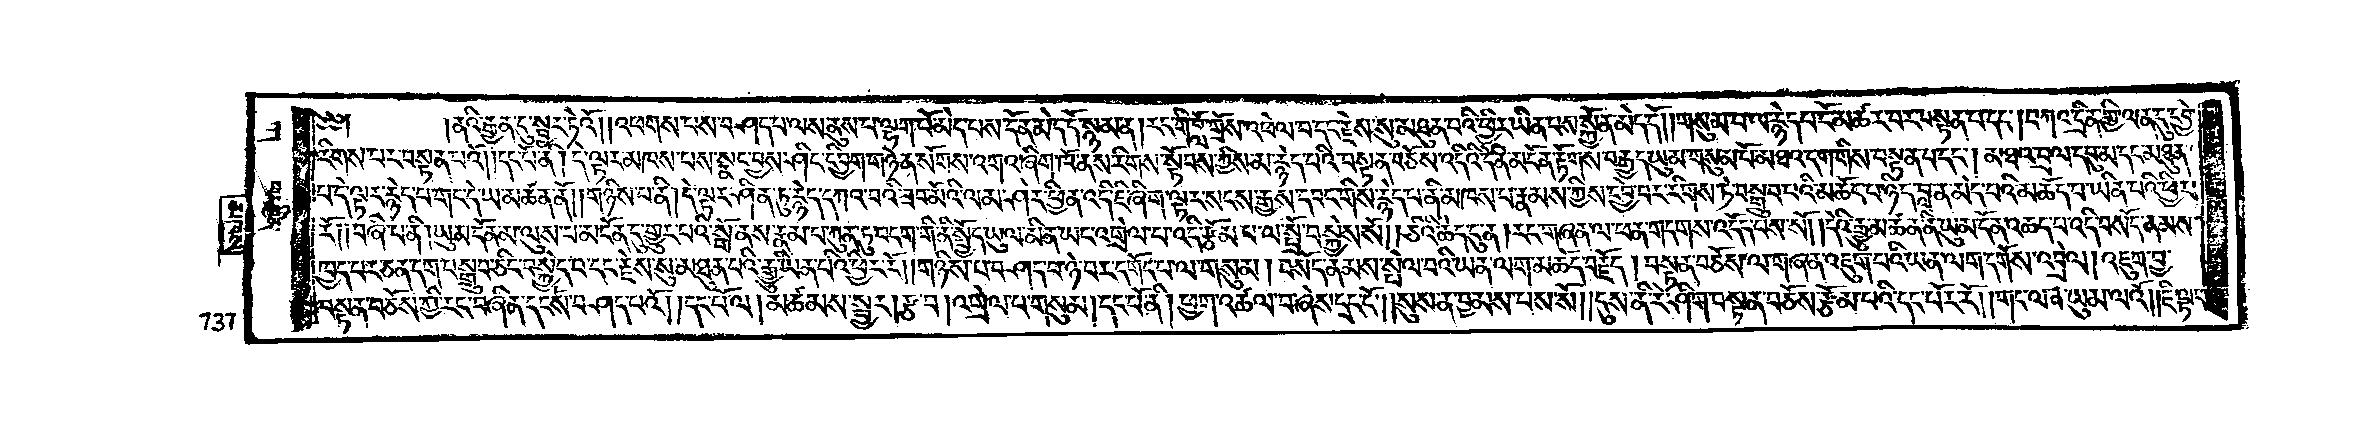༄༅། །ནའི་རྒྱན་དུ་སྦྱར་ཏེའོ། །འཕགས་པས་བཤད་པ་ལས་ནུས་པ་ལྷག་པོ་མེད་པས་དོན་མེད་དོ་སྙམ་ན། རང་གི་བློ་གྲོས་འཕེལ་བ་དང་རྗེས་སུ་མཐུན་བའི་ཕྱིར་ཡིན་པས་སྐྱོན་མེད་དོ། །གསུམ་པ་ལ་རྙེད་པ་ངོ་མཚར་བར་བསྟན་པ་དང་། བཀའ་དྲིན་གྱི་ལན་དུ་དབྱེ་
རིགས་པར་བསྟན་པའོ། །དང་པོ་ནི། དེ་ལྟར་མཁས་པས་སྣང་བྱས་ཤིང་དབྱིག་གཉེན་སོགས་འགའ་ཞིག་ཁོ་ནས་རིགས་སྟོབས་ཀྱིས་མ་རྙེད་པའི་བསྟན་བཅོས་འདིའི་དེ་ནི་མངོན་རྟོགས་བརྒྱད་ཡུམ་གསུམ་པོ་མཐའ་དག་གིས་བསྟན་པ་དང་། མཐའ་བྲལ་དབུ་མ་དང་མཐུན་
པ་དེ་ལྟར་རྙེད་པ་གང་དེ་ཡ་མཚན་ནོ། །གཉིས་པ་ནི། དེ་ལྟར་ཤིན་ཏུ་རྙེད་དཀའ་བའི་ཟབ་མོའི་ལམ་ཤེར་ཕྱིན་འདི་ཇི་ཞིག་ལྟར་སངས་རྒྱས་དབང་གིས་རྙེད་པ་ནི་མཁས་པ་རྣམས་ཀྱིས་དབྱེ་བར་རིགས་ཏེ་བསྒྲུབ་པའི་མཆོད་པ་ཉིད་བླ་ན་མེད་པའི་མཆོད་པ་ཡིན་པའི་ཕྱིར་
རོ། །བཞི་པ་ནི། ཡུམ་དོན་མ་ལུས་པ་མངོན་དུ་གྱུར་པའི་སྒོ་ནས་རྣམ་པ་ཀུན་ཏུ་བདག་གི་ནི་སྤྱོད་ཡུལ་མིན་ཡང་འགྲེལ་པ་འདི་རྩོམ་པ་ལ་སྤྲོ་བ་སྐྱེས་སོ། །ཅིའི་ཆེད་དུ་ན། རང་གཞན་ལ་ཕན་གདགས་འདོད་པས་སོ། །དེའི་རྒྱུ་མཚན་ནི་ཡུམ་དོན་འཆད་པ་འདི་བསོད་ནམས་
ཁྱད་པར་ཅན་དག་བསྒྲུབ་ཅིང་བསྐྱེད་བ་དང་རྗེས་སུ་མཐུན་པའི་རྒྱུ་ཡིན་པའི་ཕྱིར་རོ། །གཉིས་པ་བཤད་པ་ཉེ་བར་དགོད་པ་ལ་གསུམ། བསོད་ནམས་སྤེལ་བའི་ཡན་ལག་མཆོད་བརྗོད། བསྟན་བཅོས་ལ་གཞན་འཇུག་པའི་ཡན་ལག་དགོས་འབྲེལ། འཇུག་བྱ་
བསྟན་བཅོས་ཀྱི་རང་བཞིན་དངོས་བཤད་པའོ། །དང་པོ་ལ། མཚམས་སྦྱར། རྩ་བ། འགྲེལ་པ་གསུམ། དང་པོ་ནི། ཕྱག་འཚལ་བ་ཞེས་དྲང་ངོ། །སུས་ན་བྱམས་པས་སོ། །དུས་ནི་རེ་ཤིག་བསྟན་བཅོས་རྩོམ་པའི་དང་པོར་རོ། །གང་ལ་ན་ཡུམ་ལའོ། །ཇི་ལྟར་